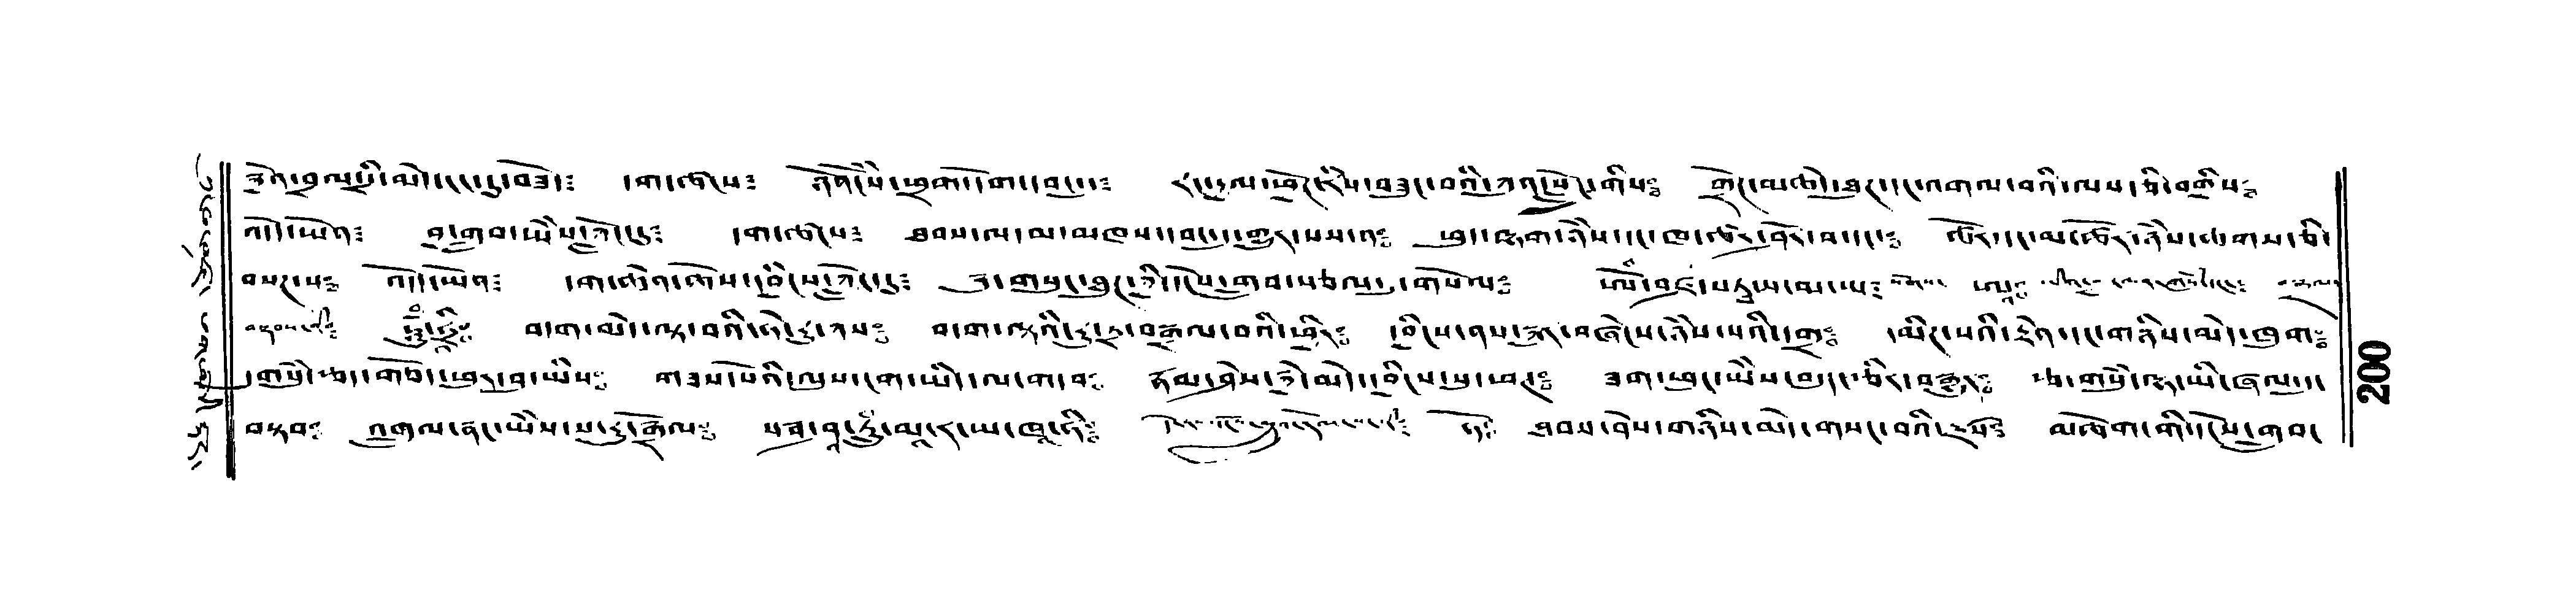སྐྱོན་བྲལ་དྲི་མེད་ངང་དུ་བཟོད༴ དག་ཚངས༴ ཉོན་མོངས་ཕྲག་དོག་དབང་དུ༴ རང་རྒྱལ་ཕྱོགས་རིས་བཟུང་བའི་ཀུན་སློང་གིས༔ གྲོགས་མཆེད་ཐུགས་དང་འགལ་བའི་ལས་ཅི་བགྱིས༔ 
འདོད་ཡོན༴ བྱ་གྲུབ་ཡེ་ཤེས་ཀློང་དུ༴ དག་ཚངས༴ ཐབས་ལ་མ་མཁས་དབང་དུ་གྱུར་པས་ན༔ ཕུད་ལྷག་ཉམས་དང་ཁ་ཚར་ཤོར་བ་དང༔ ཚོར་དང་མ་ཚོར་ཉམས་ཆགས་ཅི་
བསགས་པ༔ འདོད་ཡོན༴ དག་ཆེན་ཆོས་དབྱིངས་ཀློང་དུ༴ སྐུ་གསུང་ཐུགས་ཀྱི་དངོས་གྲུབ་བསྩལ་དུ་གསོལ༔ ཨོཾ་བཛྲ་ས་ཏྭ་ས་མ་ཡ་སོགས༔ ཨཱཿ ཡིག་བརྒྱ་ལན་གསུམ་དང༔ བསྒྲལ་
བསྟབས་ནི༔ ཧཱུྃ་ཧྲཱིཿ བདག་མེད་ལྟ་བའི་ཧེ་རུ་ཀས༔ བདག་ལྟའི་རུ་ཏྲ་བསྒྲལ་བའི་ཕྱིར༔ དབྱིངས་ནས་སྐུར་བཞེངས་ཉམས་པའི་དགྲ༔ དམིགས་པའི་རྟེན་དང་གཉིས་མེད་ཁུག༔ 
དུག་གསུམ་རྩད་གཅོད་ཕུར་བུ་ཡིས༔ གཟས་པོའི་ལུས་ངག་ཡིད་ལ་གདབ༔ རྣམ་ཤེས་སྐྱེ་མེད་དབྱིངས་སུ་ཕཊཿ ཟག་ཕུང་ཡེ་ཤེས་བདུད་རྩིར་བསྒྱུར༔ རྩ་གསུམ་ལྷ་ཡི་ཞལ་དུ་
བསྟབ༔ འཁྲུལ་སྣང་ཡེ་ཤེས་ས་རུ་སྒྲོལ༔ སརྦ་ཤཱ་ཏྲུཾ་མཱ་ར་ཡ་ཁཱ་ཧིཿ དེ་ནས་དངོས་གྲུབ་རོལ་པ་ནི༔ ཧོཿ ཐབས་ཤེས་གཉིས་མེད་གསང་བའི་རྫས༔ མཆོག་གི་དངོས་གྲུབ་